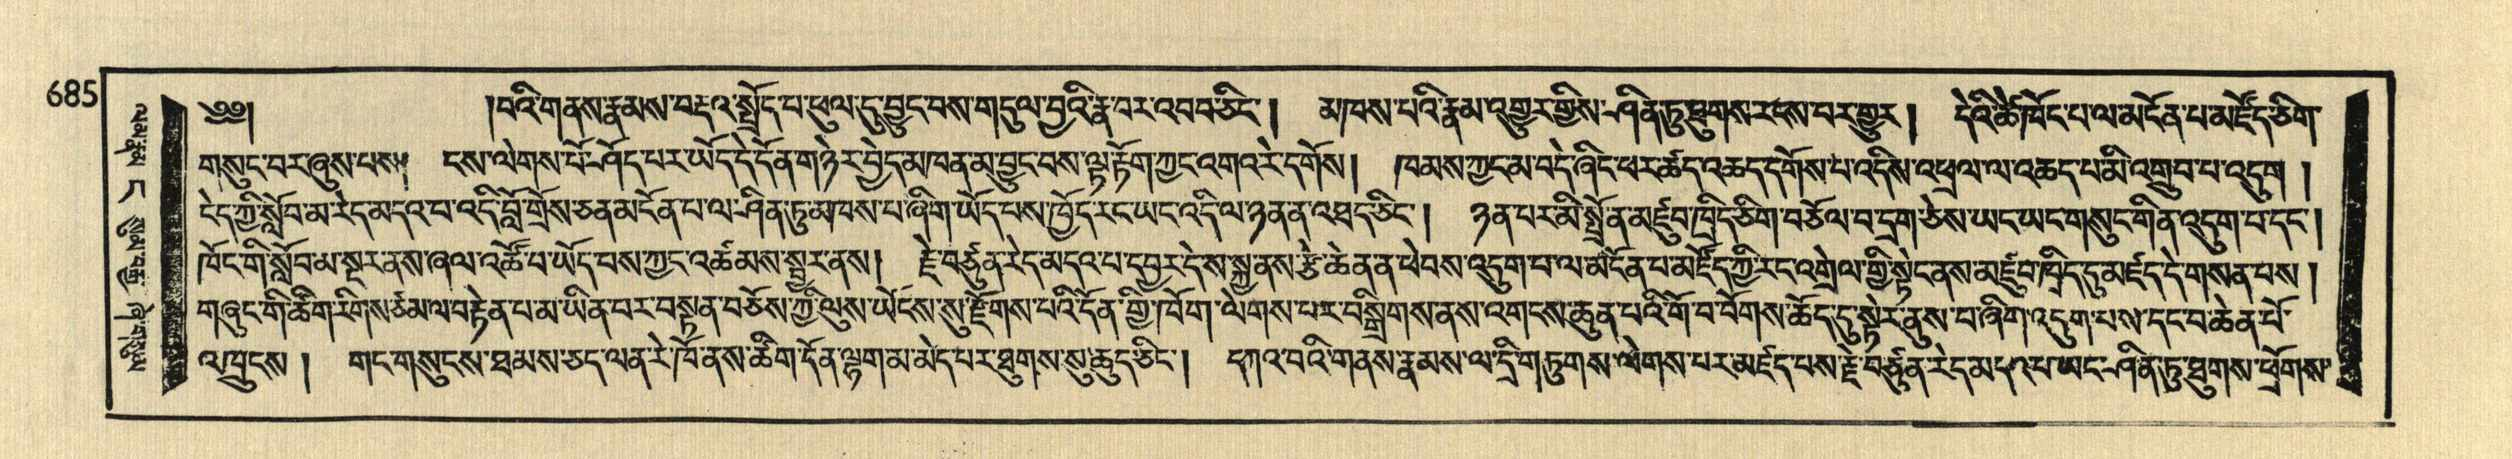༄༅། །བའི་གནས་རྣམས་བརྡའ་སྤྲོད་པ་ཕུལ་དུ་བྱུང་བས་གདུལ་བྱའི་རྣ་བར་འབབ་ཅིང་། མཁས་པའི་རྣམ་འགྱུར་གྱིས་ཤིན་ཏུ་ཐུགས་རངས་པར་གྱུར། དེའི་ཚེ་ཁོང་པ་ལ་མངོན་པ་མཛོད་ཅིག་
གསུང་བར་ཞུས་པས། ངས་ལེགས་པོ་ཤོད་པར་ཡོད་དེ་དོན་གཉེར་བྱེད་མཁན་མ་བྱུང་བས་ལྟ་རྟོག་ཀྱང་འགའ་རེ་དགོས། ཁམས་ཀྱང་མ་བདེ་ཞིང་ཕར་ཚད་འཆད་དགོས་པ་འདིས་འཕྲལ་ལ་འཆད་པ་མི་འགྲུབ་པ་འདུག །
ངེད་ཀྱི་སློབ་མ་རེད་མདའ་བ་འདི་བློ་གྲོས་ཅན་མངོན་པ་ལ་ཤིན་ཏུ་མཁས་པ་ཞིག་ཡོད་པས་ཁྱོད་རང་ཡང་འདི་ལ་ཉན་ན་འཐད་ཅིང་། ཉན་པར་མི་སྤྲོ་ན་མཛུབ་ཁྲིད་ཅིག་བཅོལ་བ་དྲག་ཅེས་ཡང་ཡང་གསུང་གིན་འདུག་པ་དང་།
ཁོང་གི་སློབ་མ་སྔར་ནས་ཞལ་འཚོ་བ་ཡོད་པས་ཀྱང་འཚམས་སྦྱར་ནས། རྗེ་བཙུན་རྡ་མདའ་པ་དབྱར་དེས་སྐྱ་ནས་རྩེ་ཆེན་ན་ཕེབས་འདུག་པ་ལ་མངོན་པ་མཛོད་ཀྱི་རང་འགྲེལ་གྱི་སྟེང་ནས་མཛུབ་ཁྲིད་དུ་མཛད་དེ་གསན་པས།
གཞུང་གི་ཚིག་རིགས་ཙམ་ལ་བརྟེན་པ་མ་ཡིན་བར་བསྟན་བཅོས་ཀྱི་ལུས་ཡོངས་སུ་རྫོགས་པའི་དོན་གྱི་ཁོག་ལེགས་པར་བསྒྲིགས་ནས་འགངས་ཆུན་པའི་གོ་བ་བོགས་ཆོད་དུ་སྟེར་ནུས་པ་ཞིག་འདུག་པས་དང་བ་ཆེན་པོ་
འཁྲུངས། གང་གསུངས་ཐམས་ཅད་ལན་རེ་ཁོ་ནས་ཚིག་དོན་ལྷག་མ་མེད་པར་ཐུགས་སུ་ཆུད་ཅིང་། དཀའ་བའི་གནས་རྣམས་ལ་དྲི་གཏུགས་ལེགས་པར་མཛད་པས་རྗེ་བཙུན་རེད་མདའ་པ་ཡང་ཤིན་ཏུ་ཐུགས་ཕྲོགས་